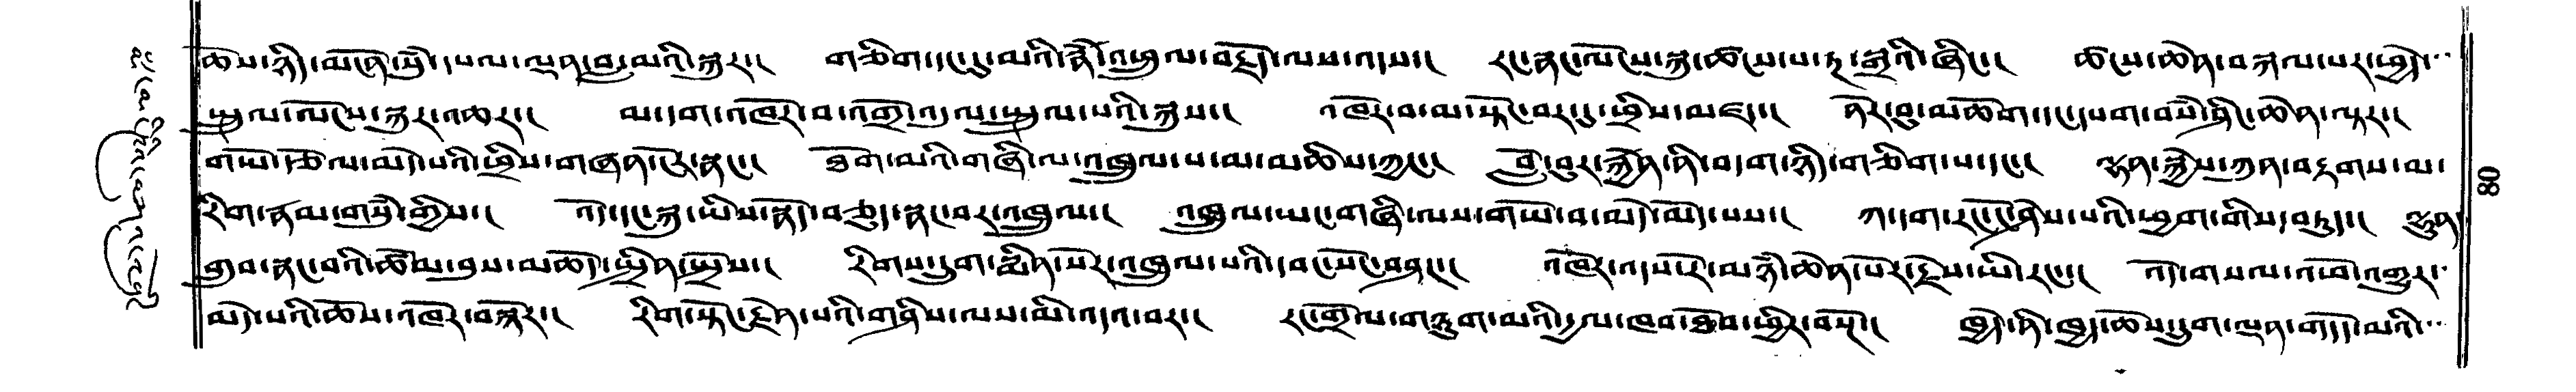།ཆོས་ཉིད་མངོན་སུམ་དཔལ་ལྡན་བླ་མའི་སྐུར། །གཅིག་དང་དུ་མའི་རྣམ་འཕྲུལ་བརྗོད་ལས་འདས། །རང་སྣང་ལོངས་སྐུ་ཚངས་པ་རྔ་སྒྲའི་ཞིང་། །ཚངས་ཆེན་བསྐལ་པར་ཕྱེད་
སྤྲུལ་ལོངས་སྐུར་འཆར། །མ་དག་འཁོར་བར་འགྲོ་འདུལ་སྤྲུལ་པའི་སྐུས། །འཁོར་བ་མ་སྟོངས་བར་དུ་ཕྲིན་ལས་མཛད། །ནོར་བུ་མཆོག་དང་དཔག་བསམ་ཤིང་ཆེན་ལྟར། །
གཡོ་རྩོལ་མེད་པའི་ཕྲིན་ལས་གཞན་ངོར་སྣང་། །ཐོག་མའི་གཞི་ལ་འཁྲུལ་པ་མ་མཆིས་ཀྱང་། །བློ་བུར་རྐྱེན་ནི་བདག་ཉིད་གཅིག་པ་དང་། །ལྷན་སྐྱེས་ཀུན་བརྟགས་མ་
རིག་རྣམ་གསུམ་གྱིས། །འོད་དང་སྐུ་ཡིས་སྣོད་བཅུད་སྣང་བར་འཁྲུལ། །འཁྲུལ་ཡང་གཞི་ལས་གཡོ་བ་མེད་མོད་པས། །ཀ་དག་རང་ངོ་ཤེས་པའི་ཕྱག་གིས་བཏུད། །ལྷུན་
གྲུབ་སྣང་བའི་ཚོམ་བུས་མཆོད་སྤྲིན་སྤྲོས། །རིགས་དྲུག་རྣམ་སྨིན་འཁྲུལ་པའི་དབང་སོང་བཤགས། །འཁོར་འདས་རོ་མཉམ་ཆེན་པོར་རྗེས་ཡི་རང་། །འོད་གསལ་འཕོ་འགྱུར་
མེད་པའི་ཆོས་འཁོར་བསྐོར། །རིག་སྟོང་རྗེན་པའི་གཤིས་ལས་མི་འདའ་བར། །རང་གྲོལ་གཉུག་མའི་རྒྱལ་ཁབ་ཐོབ་ཕྱིར་བསྔོ། །ཁྱོད་ནི་ཁྱད་ཆོས་དྲུག་ལྡན་གདོད་མའི་